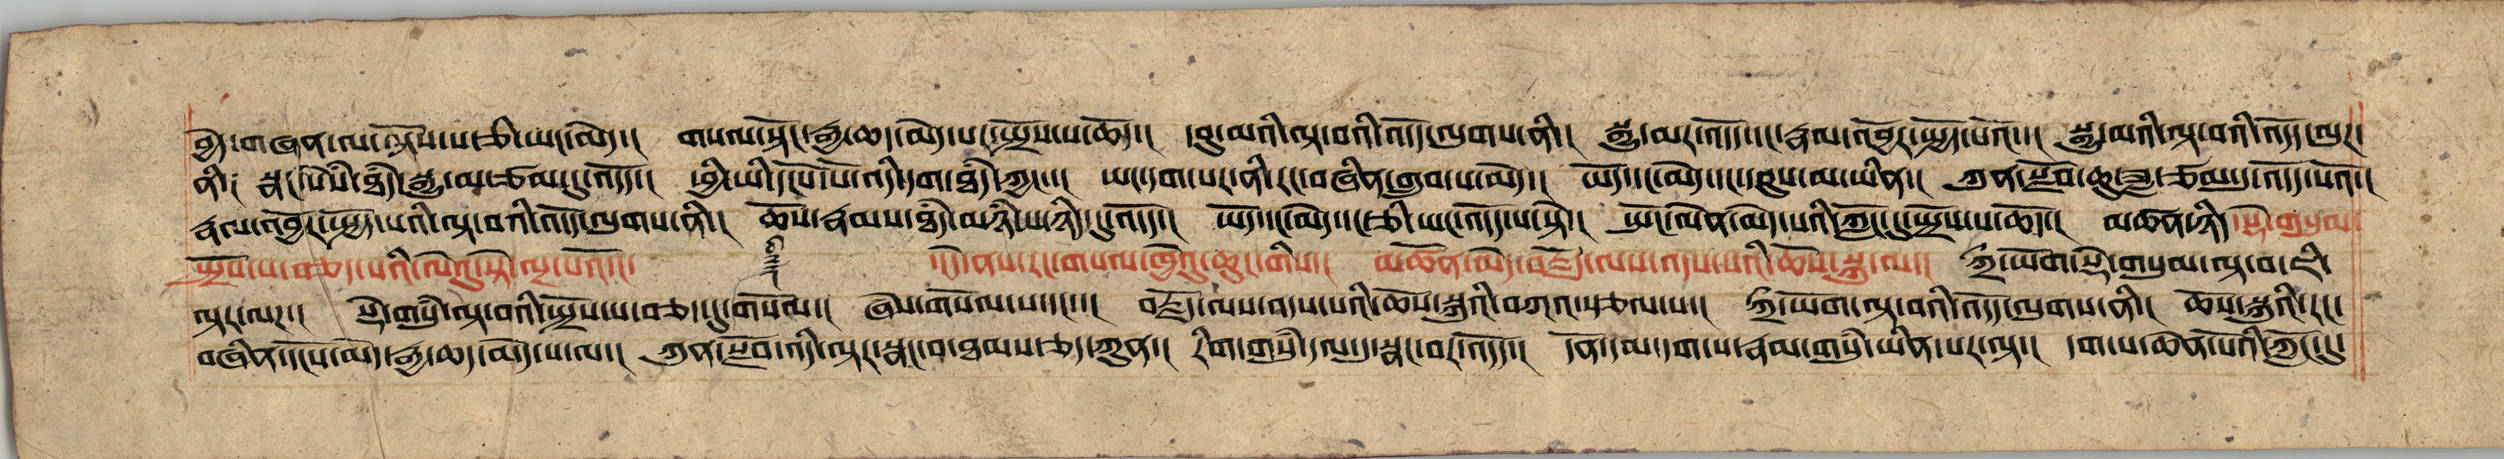བྱེད་གཞན་ལ་ལྟོས་པ་ཅི་ཡང་མེད་། གསལ་སྟོང་རྒྱ་ཆད་མེད་པར་སྤྲོས་པ་ཆོད་། དབུ་མའི་ལྟ་བའི་འདོད་ལུགས་ནི་། སྒྱུ་མར་འདོད་དང་རྣལ་འབྱོར་སྤྲོད་པའོ་། སྒྱུ་མའི་ལྟ་བའི་འདོད་ལུཌ་
ནི༑ སྣང་སེཾས་ཐདཾ་སྒྱུ་མ་ཙམ་དུ་འདོད་། ཕྱི་ཡི་དངོས་པོ་འདི་དག་ཐདཾ་ཀྱང་་། ཡང་དག་པར་ནི་རང་བཞིན་གྲུབ་པ་མེད་། ཡོད་དང་མེད་དང་དབུས་མ་ཡིན་། ཀུན་སྫོབ་ཆུ་ཟླ་ཙམ་དུ་འདོད་པའོ་།
རྣལ་འབྱོར་སྤྱོད་པའི་ལྟ་བའི་འདོད་ལུགས་ནི་། ཆོས་རྣམས་ཐདཾ་མཉཾ་པ་ཉིད་དུ་འདོད་། ཡོད་དང་མེད་དང་ཅི་ཡང་འདོད་པ་སྟེ་། སྤོང་ལེན་མེད་པའི་ཀློང་དུ་སྤྲོས་པ་ཆོད་། མཚན་ཉིད་སྡེ་གསུམ་
སྤྲོས་པ་བཅད་པའི་ལེའུ་སྟེ་ལྔ་པའོ་། ༈ ་།དེ་ནས་རང་གསལ་ཁྱེའུ་ཆུང་གིས་། མཚོན་མེད་བརྗོད་ལས་འདས་པའི་ཆོས་སྐུ་ལ་། ཀྲྀ་ཡོག་སྡེ་གསུམ་ལྟ་བ་ཇི་
ལྟར་ལཌ་། སྡེ་གསུཾ་ལྟ་བའི་སྤྲོས་པ་བཅད་དུ་གསོལ་། ཞེས་གསལོ་བ་དང་་། བརྗོད་ལས་འདས་པའི་ཆོས་སྐུའི་བཀའ་སྩལ་པ་། ཀྲྀ་ཡོག་ལྟ་བའི་འདོད་ལུགས་ནི་། ཆོས་སྐུའི་རང་
བཞིན་དངོས་མེད་རྒྱ་ཆད་མེད་པ་ལ་། ཀུན་སྫོབ་འདི་ལྟར་སྣང་བ་ཐམས་ཅད་ཀུན་། རིག་གསུཾ་དལ་དུ་སྣང་བར་འདོད་། དོན་དམ་དག་པ་རྣམ་གསུཾ་ཡིན་པར་ལྟ་། དག་པ་ཆེན་པོའི་ཀློང་དུ་